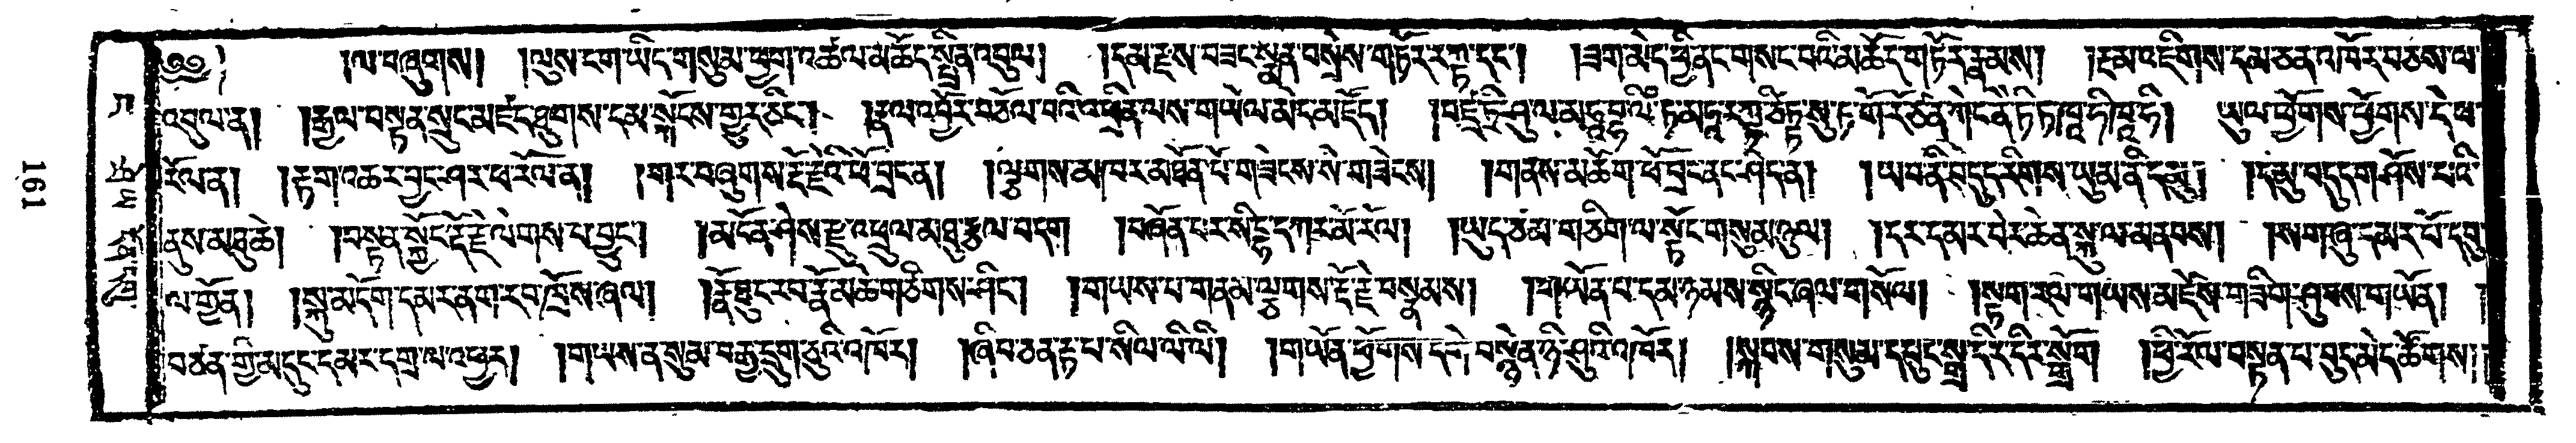༄༅། །ལ་བཞུགས། །ལུས་ངག་ཡིད་གསུམ་ཕྱག་འཚལ་མཆོད་སྤྲིན་འབུལ། །དམ་རྫས་བཟང་སྨན་བསྲེས་གཏོར་རཀྟ་དང་། །ཟག་མེད་ཕྱི་ནང་གསང་བའི་མཆོད་གཏོར་རྣམས། །རྔ་མ་འཇིགས་དམ་ཅན་འཁོར་བཅས་ལ་
འབུལ་ན། །རྒྱལ་བསྟན་སྲུང་མཛད་ཐུགས་དམ་སྐོངས་གྱུར་ཅིང་། །རྣལ་འབྱོར་བཅོལ་བའི་འཕྲིན་ལས་གཡེལ་མེད་མཛོད། །བཛྲ་ཏྲི་ཤུ་ལ་མཧཱ་བྷ་ལིཾ་ཏ་མཧཱ་རཀྟ་ཙིཏྟ་སུ་ཏ་གོ་རོ་ཙ་ན་ཀེང་ནཻ་ཏི་ཏ་ཁཱ་ཧི་ཁཱ་ཧི། ཡུལ་ཕྱོགས་ཕྱོགས་དེ་ཕ་
རོལ་ན། །རྟག་འཆར་བྱང་ཤར་ཕ་རོལ་ན། །གར་བཞུགས་རྡོ་རྗེའི་ཕོ་བྲང་ན། །ལྕགས་མཁར་མཐོན་པོ་གཟེངས་སེ་གཟེངས། །གནས་མཆོག་ཕོ་བྲང་ནང་ཤེད་ན། །ཡབ་ནི་བདུད་རིགས་ཡུམ་ནི་དམུ། །དམུ་བདུད་གཤོས་པའི་
ནུས་མཐུ་ཆེ། །བསྟན་སྐྱོང་རྡོ་རྗེ་ལེགས་པ་བྱུང་། །མངོན་ཤེས་རྫུ་འཕྲུལ་མཐུ་རྩལ་བདག །བཞོན་པར་སི་དྷ་དཀར་མོ་རོལ། །ཡུད་ཙམ་གཅིག་ལ་སྟོང་གསུམ་ཉུལ། །དར་དམར་བེར་ཆེན་སྐུ་ལ་མ་ནབས། །སག་ཞུ་དམར་པོ་དབུ་
ལ་གྱོན། །སྐུ་མདོག་དམར་ནག་རབ་ཁྲོས་ཞལ། །རྣོ་ཐུང་རབ་རྣོ་མཆེ་གཙིགས་ཤིང་། །གཡས་པ་གནམ་ལྕགས་རྡོ་རྗེ་བསྣམས། །གཡོན་པ་དམ་ཉམས་སྙིང་ཞལ་གསོལ། །སྟག་རལ་གཡས་མཛེས་གཟིག་ཤུབས་གཡོན། །
བཙན་གྱི་མདུང་དམར་དགྲ་ལ་འཕྱར། །གཡས་ན་སུམ་བརྒྱ་དྲུག་ཅུའི་འཁོར། །ཞིབ་ཅན་རྟ་པ་སིལ་ལི་ལི། །གཡོན་ཕྱོགས་དགེ་བསྙེན་ཉི་ཤུའི་འཁོར། །སྐབས་གསུམ་དཔུང་སྒྲ་དིར་དིར་སྒྲོག །ཕྱི་རོལ་བསྟན་པ་བུད་མེད་ཚོགས། །